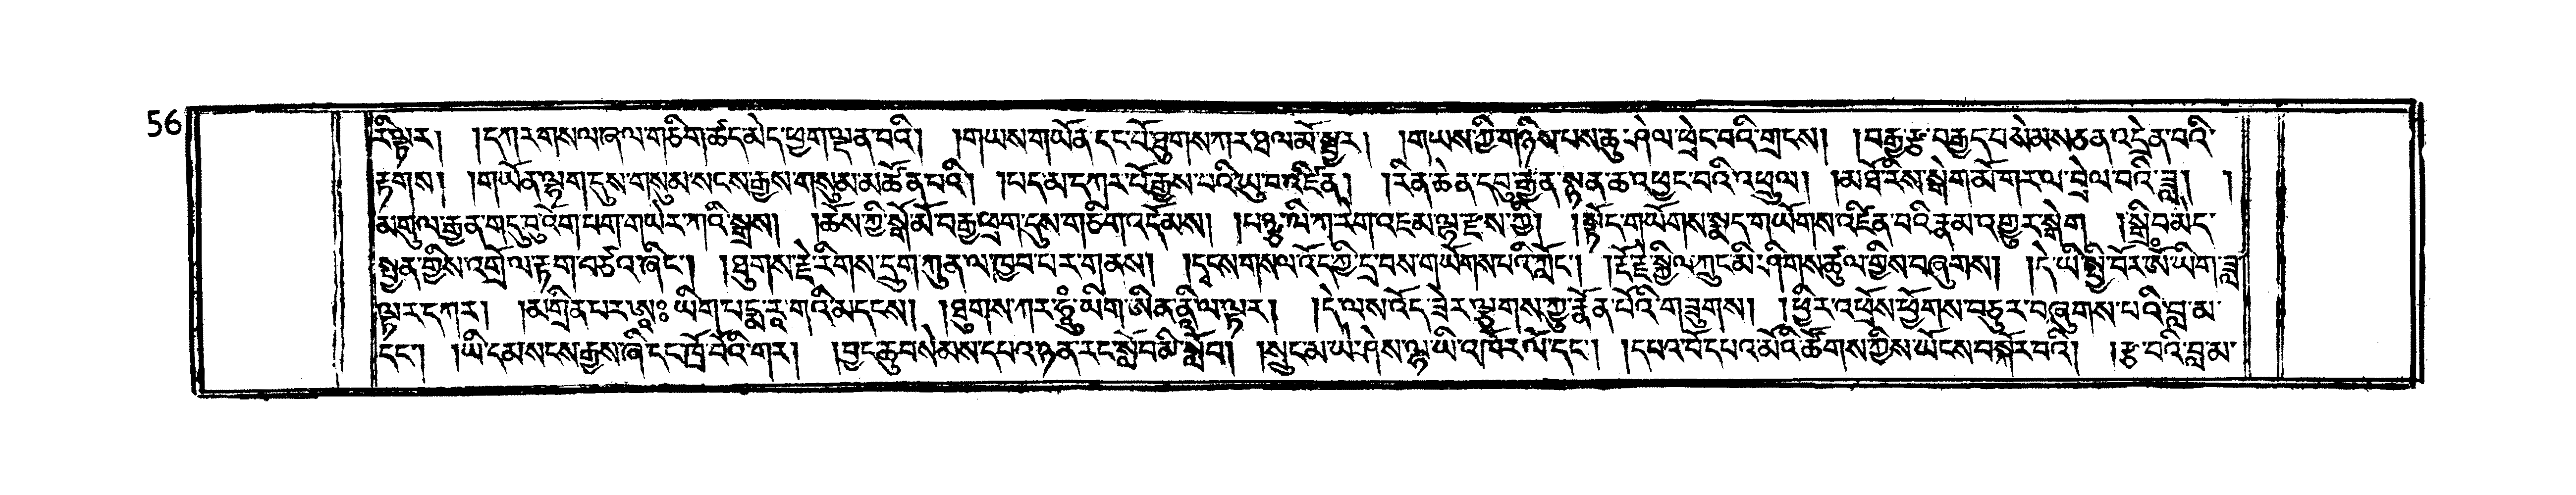རི་ལྟར། །དཀར་གསལ་ཞལ་གཅིག་ཚད་མེད་ཕྱག་ལྡན་པའི། །གཡས་གཡོན་དང་པོ་ཐུགས་ཀར་ཐལ་མོ་སྦྱར། །གཡས་ཀྱི་གཉིས་པས་ཆུ་ཤེལ་ཕྲེང་བའི་གྲངས། །བརྒྱ་རྩ་བརྒྱད་པ་སེམས་ཅན་འདྲེན་པའི་
རྟགས། །གཡོན་ལྷག་དུས་གསུམ་སངས་རྒྱས་གསུམ་མཚོན་པའི། །པད་མ་དཀར་པོ་རྒྱས་པའི་ཡུ་བ་འཛིན། །རིན་ཆེན་དབུ་རྒྱན་སྙན་ཆ་འཕྱང་བའི་འཕྲུལ། །མཐོ་རིས་སྒེག་མོ་གར་ལ་བྲེལ་བའི་ཟླ། །
མགུལ་རྒྱན་གདུ་བུ་འོག་པག་གཡེར་ཀའི་སྒྲས། །ཆོས་ཀྱི་སྒོ་མོ་བརྒྱ་ཕྲག་དུས་གཅིག་འདོམས། །པ་ཉ་ཙ་ལི་ཀ་རེག་འཇམ་ལྷ་རྫས་ཀྱི། །སྟོད་གཡོགས་སྨད་གཡོགས་འཛིན་པའི་རྣམ་འགྱུར་སྒེག །སྒྲིབ་མེད་
སྤྱན་གྱིས་འགྲོ་ལ་རྟག་བཙའ་ཞིང་། །ཐུགས་རྗེ་རིགས་དྲུག་ཀུན་ལ་ཁྱབ་པར་གནས། །དྭངས་གསལ་འོད་ཀྱི་དྲ་བས་གཡོགས་པའི་ཀློང་། །རྡོ་རྗེ་སྐྱིལ་ཀྲུང་མི་ཤིགས་ཚུལ་གྱིས་བཞུགས། །དེ་ཡི་སྤྱི་བོར་ཨོཾ་ཡིག་ཟླ་
ལྟར་དཀར། །མགྲིན་པར་ཨཱཿ ཡིག་པད་མ་རཱ་གའི་མདངས། །ཐུགས་ཀར་ཧཱུཾ་ཡིག་ཨིན་ནཱི་ལ་ལྟར། །དེ་ལས་འོད་ཟེར་ལྕགས་ཀྱུ་རྣོན་པོའི་གཟུགས། །ཕྱིར་འཕྲོས་ཕྱོགས་བཅུར་བཞུགས་པའི་བླ་མ་
དང་། །ཡི་དམ་སངས་རྒྱས་ཞི་དང་ཁྲོ་བོའི་གར། །བྱང་ཆུབ་སེམས་དཔའ་ཉན་རང་སློབ་མི་སློབ། །སྲུང་མ་ཡེ་ཤེས་ལྷ་ཡི་འཁོར་ལོ་དང་། །དཔའ་བོ་དཔའ་མོའི་ཚོགས་ཀྱིས་ཡོངས་བསྐོར་བའི། །རྩ་བའི་བླ་མ་